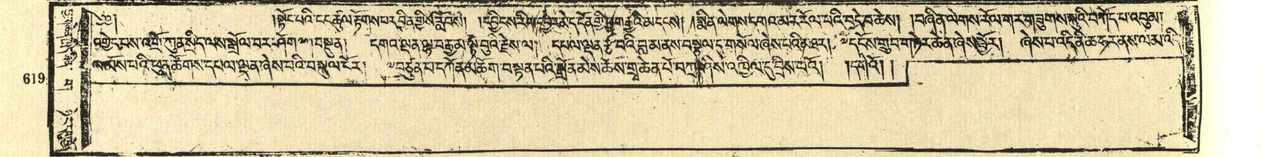༄༅། །སྟོང་པའི་ངང་ཚུལ་རྟོགས་པར་བྱིན་གྱིས་རློབས། །དབྱིངས་རིག་དབྱེར་མེད་དོན་གྱི་ཕྱག་རྒྱའི་མདངས། །སྨིན་ལེགས་དགའ་མར་རོལ་པའི་བདེ་བ་ཆེས། །བཞིན་ལེགས་རོལ་གར་གཟུགས་སྐུའི་བཀོད་པ་འབུམ།
འགྱེད་པས་འགྲོ་ཀུན་སྲིད་ལས་སྒྲོལ་བར་ཤོག །བསྡུ་ན། དགའ་ལྡན་ལྷ་བརྒྱ་མ་ལྟ་བུའི་རྗེས་ལ། དཔལ་ལྡན་རྩ་བའི་བླ་མ་ནས་བསྩལ་དུ་གསོལ་ཞེས་པའི་མཐར། ༧དངོས་གྲུབ་གཏེར་ཆེན་ཞེས་སྦྱོར། ཞེས་པ་འདི་ནི་ཆ་ཐར་ནས་ལམ་འདི་
ལ་མོས་པའི་ཕུན་ཚོགས་དཔལ་ལྡན་ཞེས་པའི་བསྐུལ་ངོར། ༧བཙུན་པ་དཀོན་མཆོག་བསྟན་པའི་སྒྲོན་མེས་ཆོས་གྲྭ་ཆེན་པོ་བཀྲ་ཤིས་འཁྱིལ་དུ་བྲིས་པའོ། །དགེའོ། །